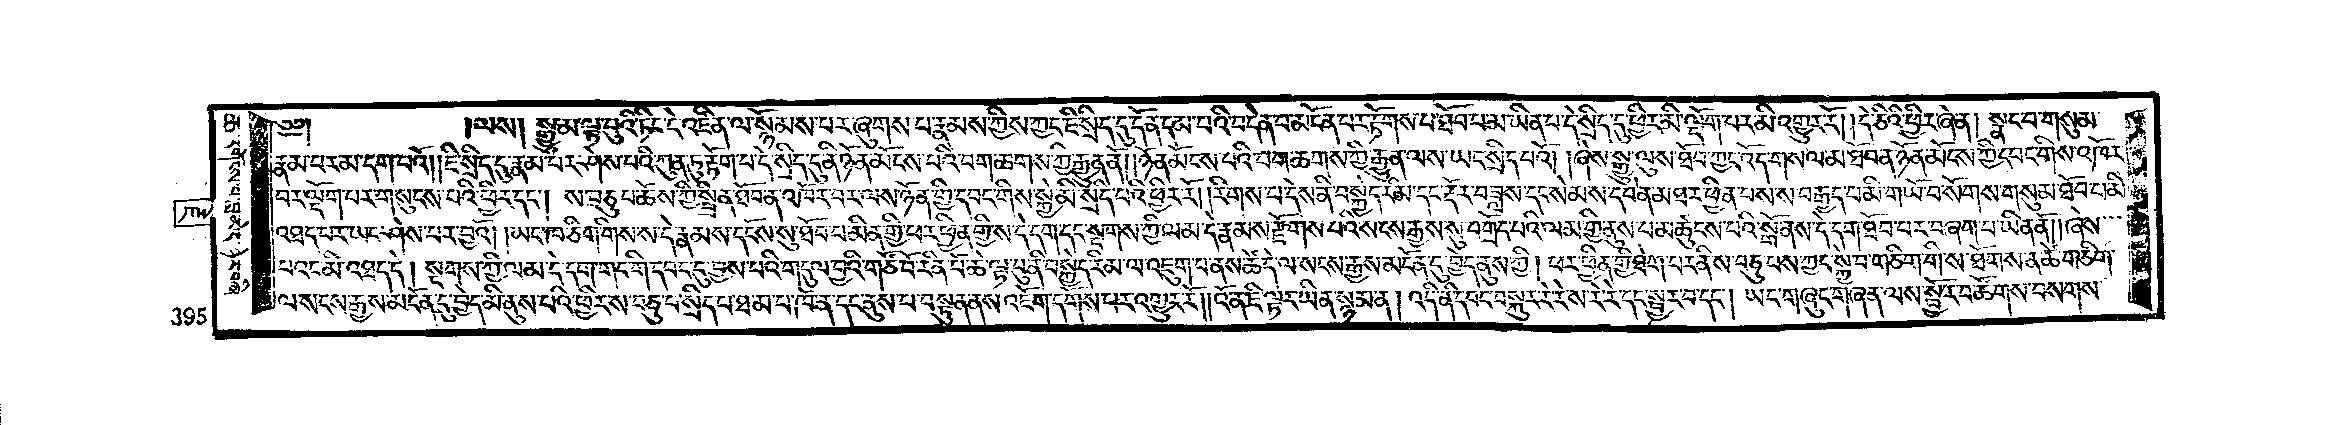༄༅། །ལས། སྒྱུ་མ་ལྟ་བུའི་ཏིང་ངེ་འཛིན་ལ་སྙོམས་པར་ཞུགས་པ་རྣམས་ཀྱིས་ཀྱང་ཇི་སྲིད་དུ་དོན་དམ་པའི་བདེན་པ་མངོན་པར་རྟོགས་པ་ཐོབ་པ་མ་ཡིན་པ་དེ་སྲིད་དུ་ཕྱིར་མི་ལྡོག་པར་མི་འགྱུར་རོ། །དེ་ཅིའི་ཕྱིར་ཞེ་ན། སྣང་བ་གསུམ་
རྣམ་པར་མ་དག་པའོ། །ཇི་སྲིད་དུ་རྣམ་པར་ཤེས་པའི་ཀུན་ཏུ་རྟོག་པ་དེ་སྲིད་དུ་ནི་ཉོན་མོངས་པའི་བག་ཆགས་ཀྱི་རྒྱུན་ནོ། །ཉོན་མོངས་པའི་བག་ཆགས་ཀྱི་རྒྱུན་ལས་ཡང་སྲིད་པའོ། །ཞེས་སྒྱུ་ལུས་ཐོབ་ཀྱང་འོད་གསལ་མ་ཐོབ་ན་ཉོན་མོངས་ཀྱི་དབང་གིས་འཁོར་
བར་ལྡོག་པར་གསུངས་པའི་ཕྱིར་དང་། ས་བཅུ་པ་ཆོས་ཀྱི་སྤྲིན་ཐོབ་ན་འཁོར་བར་ལས་ཉོན་གྱི་དབང་གིས་སྐྱེ་མི་སྲིད་པའི་ཕྱིར་རོ། །རིགས་པ་དེས་ནི་བསྐྱེད་རིམ་དང་རྡོར་བཟླས་དང་སེམས་དབེན་མཐར་ཕྱིན་པས་ས་བརྒྱད་པ་མི་གཡོ་བ་སོགས་གསུམ་ཐོབ་པ་མི་
འཐད་པར་ཡང་ཤེས་པར་བྱའོ། །ཡང་ཁ་ཅིག་གིས་ས་དེ་རྣམས་དངོས་སུ་ཐོབ་པ་མིན་གྱི་ཕར་ཕྱིན་གྱི་ས་དེ་དག་དང་སྔགས་ཀྱི་ལམ་དེ་རྣམས་རྫོགས་པའི་སངས་རྒྱས་སུ་བགྲོད་པའི་ལམ་གྱི་ནུས་པ་མཚུངས་པའི་སྒོ་ནས་དེ་དག་ཐོབ་པར་བཞག་པ་ཡིན་ནོ། །ཞེས་
པའང་མི་འཐད་དེ། སྔགས་ཀྱི་ལམ་དེ་དག་གང་གི་དབང་དུ་བྱས་པའི་གདུལ་བྱའི་གཙོ་བོ་རིན་པོ་ཆེ་ལྟ་བུ་ནི་བསྐྱེད་རིམ་ལ་འཇུག་པ་ནས་ཚེ་དེ་ལ་སངས་རྒྱས་མངོན་དུ་བྱེད་ནུས་ཀྱི། ཕར་ཕྱིན་གྱི་ཐེག་པར་ནི་ས་བཅུ་པས་ཀྱང་སྐྱེ་བ་གཅིག་གི་ས་ཐོགས་ན་ཚེ་གཅིག་
ལ་སངས་རྒྱས་མངོན་དུ་བྱེད་མི་ནུས་པའི་ཕྱིར་ས་བཅུ་པ་སྲིད་པ་ཐ་མ་པ་ཁོ་ན་དང་ནུས་པ་བསྟུན་ནས་འཇོག་དགོས་པར་འགྱུར་རོ། །འོ་ན་ཇི་ལྟར་ཡིན་སྙམ་ན། འདི་ནི་དབང་བསྐུར་རེ་རེ་ས་རེ་རེ་དང་སྦྱར་བ་དང་། ཡང་གཞུང་གཞན་ལས་སྦྱོར་བ་ཚོགས་བསགས་